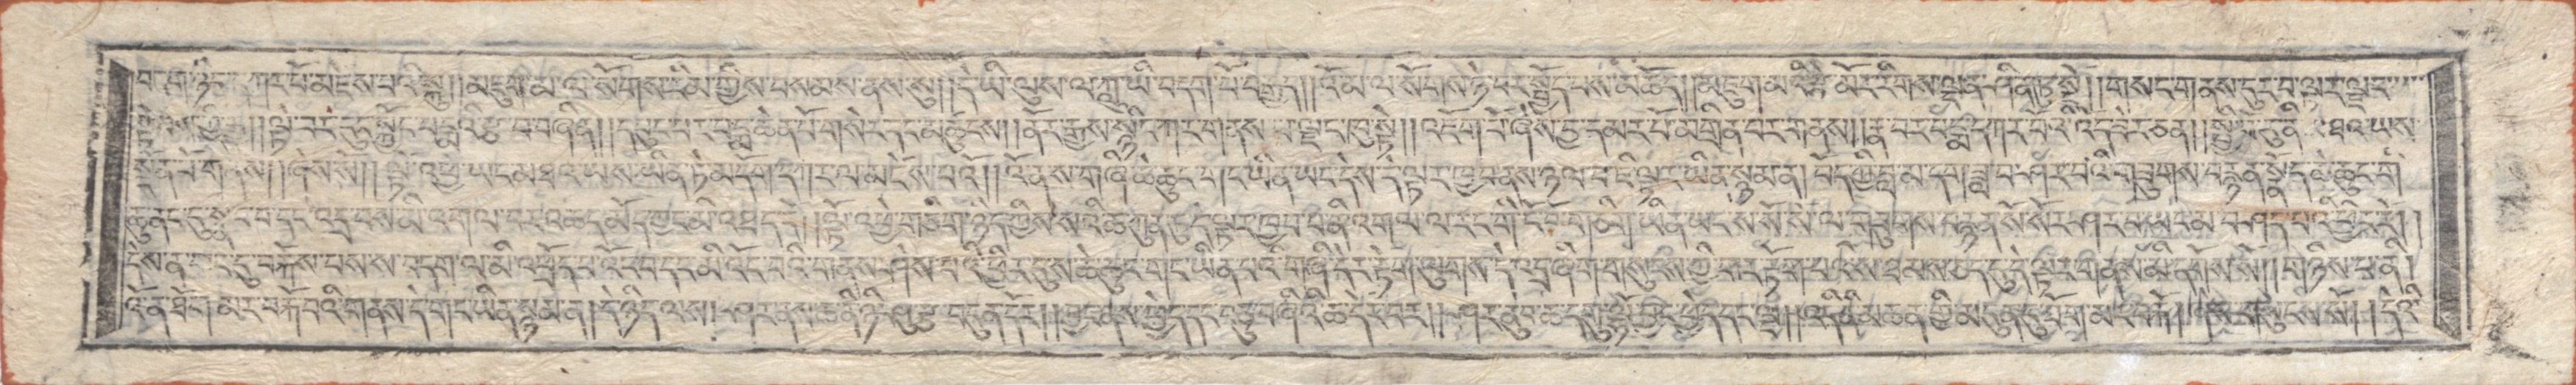བདག་ཉིད་དཀར་པོ་མཛེས་པའི་སྐུ། །མཇུག་མ་ལ་སོགས་རིམ་གྱིས་བསམས་ནས་སུ། །དེ་ཡི་ལུས་ལ་ཀླུ་ཡི་བདག་པོ་བརྒྱད། །འོ་མ་ལ་སོགས་ཉེ་བར་སྤྱོད་པས་མཆོད། །མཇུག་མའི་རྩེ་མོར་རིགས་ལྡན་ཤིན་ཏུ་སྔོ། །གསང་གནས་དུར་བ་ལྟར་ལྗང་
སྟོབས་ཀྱི་རྒྱུ། །ལྟེ་བར་དུང་སྐྱོང་པདམའི་རྩ་བ་བཞིན། །དཔུང་པར་པདམ་ཆེན་པོ་གསེར་དང་མཚུངས། །ནོར་རྒྱས་སྙིང་ཀར་གནས་པ་ལྗང་ཁུ་སྟེ། །འཇོག་པོ་ཞེས་བྱ་དམར་པོ་མགྲིན་པར་གནས། །རྣ་བར་པདམ་དཀར་པོའི་འོད་ཟེར་ཅན། །སྤྱི་བོ་རུ་ནི་མཐའ་ཡས་
སྔོན་པོ་གནས། །ཞེས་སོ། །ལྟོ་འཕྱེ་ཡང་མཐའ་ཡས་ཡིན་ཏེ་མདོག་དཀར་ལ་མཛོས་པའོ། །འོ་ན་ས་གཞི་ཆེ་ཆུང་གང་ཡིན་ཡང་དེས་དེ་ལྟར་ཁྱབ་ནས་ཉལ་བ་ཇི་ལྟར་ཡིན་སྙམ་ན། བོད་ཀྱི་བླ་མ་དག་ཟླ་བ་ཤར་བའི་གཟུགས་བརྙན་སྣོད་ཆེ་ཆུང་གི་
ཆུ་ནང་དུ་སྣང་བ་དང་འདྲ་བས་མི་འགལ་བར་འཆད་མོད་ཀྱང་མི་འཐད་དོ། །ལྟོ་འཕྱེ་གཅིག་ཉིད་ཀྱིས་སའི་ཆ་ཀུན་ཏུ་དེ་ལྟར་ཁྱབ་པ་ནི་འགལ་ལ་རང་གི་ངོ་བོ་གཅིག་ཡིན་ཡང་ས་སོ་སོ་ལ་གཟུགས་བརྙན་སོ་སོར་ཤར་བ་ཡང་མ་བཤད་པའི་ཕྱིར་རོ། །
དེས་ན་གང་དུ་བརྐོས་པས་ས་བདག་ལ་མི་འཕྲོད་པ་འོང་བ་དང་མི་འོང་བའི་གནས་ཤེས་པའི་ཕྱིར་དུ་ས་ཆེ་ཆུང་གང་ཡིན་པའི་གཞི་དེར་རྟོག་ལུགས་དེ་འདྲ་ཞིག་གསུངས་ཀྱི་གར་རྟོག་པའི་ས་ཐམས་ཅད་དུ་དེ་ལྟར་གནས་མི་དགོས་སོ། །གཉིས་པ་ནི།
འོ་ན་ཐོག་མར་བརྐོ་བའི་གནས་དེ་གང་ཡིན་སྙམ་ན། དེ་ཉིད་ལས། ཤར་ནས་ཆ་ནི་ཉི་ཤུ་རྩ་བདུན་དོར། །བྱང་ནས་ཕྱེད་དང་བཅུ་བཞིའི་ཆ་དོར་བར། །ཤར་ནུབ་ཆ་དགུ་ལྷོ་བྱང་ཕྱེད་དང་ལྔ། །འདི་ནི་མཚན་གྱི་མདུན་དུ་ཐོག་མར་བརྐོ། ཞེས་གསུངས་སོ། །དེའི་